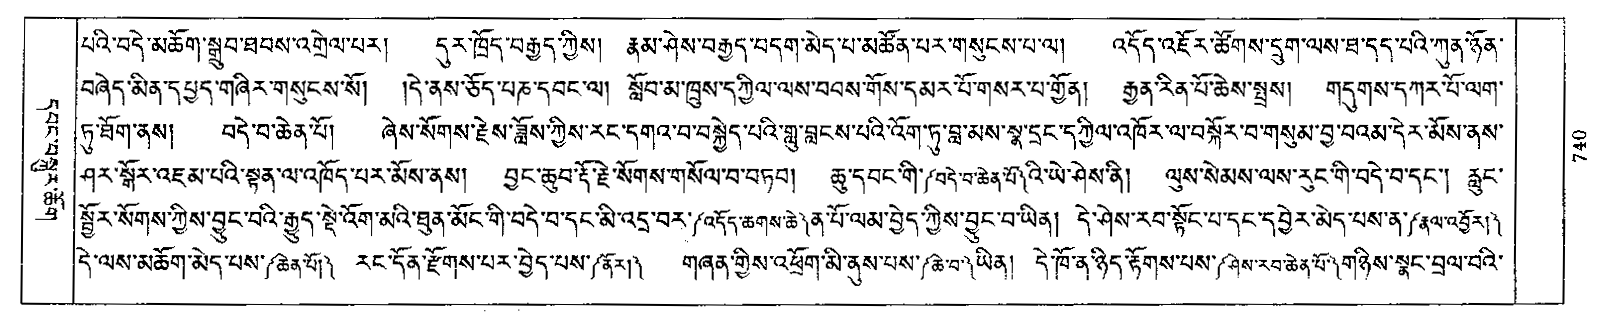པའི་བདེ་མཆོག་སྒྲུབ་ཐབས་འགྲེལ་པར། དུར་ཁྲོད་བརྒྱད་ཀྱིས། རྣམ་ཤེས་བརྒྱད་བདག་མེད་པ་མཚོན་པར་གསུངས་པ་ལ། འདོད་འཇོར་ཚོགས་དྲུག་ལས་ཐ་དད་པའི་ཀུན་ཉོན་
བཞེད་མིན་དཔྱད་གཞིར་གསུངས་སོ། །དེ་ནས་ཅོད་པཎ་དབང་ལ། སློབ་མ་ཁྲུས་དཀྱིལ་ལས་བབས་གོས་དམར་པོ་གསར་པ་གྱོན། རྒྱན་རིན་པོ་ཆེས་སྤྲས། གདུགས་དཀར་པོ་ལག་
ཏུ་ཐོག་ནས། བདེ་བ་ཆེན་པོ། ཞེས་སོགས་རྗེས་ཟློས་ཀྱིས་རང་དགའ་བ་བསྐྱེད་པའི་གླུ་བླངས་པའི་འོག་ཏུ་བླ་མས་སྣ་དྲང་དཀྱིལ་འཁོར་ལ་བསྐོར་བ་གསུམ་བྱ་བའམ་དེར་མོས་ནས་
ཤར་སྒོར་འཇམ་པའི་སྟན་ལ་འཁོད་པར་མོས་ནས། བྱང་ཆུབ་རྡོ་རྗེ་སོགས་གསོལ་བ་བཏབ། ཆུ་དབང་གི་བདེ་བ་ཆེན་པ྄ོ་འི་ཡེ་ཤེས་ནི། ལུས་སེམས་ལས་རུང་གི་བདེ་བ་དང་། རླུང་
སྦྱོར་སོགས་ཀྱིས་བྱུང་བའི་རྒྱུད་སྡེ་འོག་མའི་ཐུན་མོང་གི་བདེ་བ་དང་མི་འདྲ་བར ༼འདོད་ཆགས་ཆ྄ེ་ན་པོ་ལམ་བྱེད་ཀྱིས་བྱུང་བ་ཡིན། དེ་ཤེས་རབ་སྟོང་པ་དང་དབྱེར་མེད་པས་ན་༽རྣལ་འབྱོར།?
དེ་ལས་མཆོག་མེད་པས ༼ཆེན་པོ།?་རང་དོན་རྫོགས་པར་བྱེད་པས་༽ནོར།?་གཞན་གྱིས་འཕྲོག་མི་ནུས་པས ༼ཆེ་བ྄་ཡིན། དེ་ཁོ་ན་ཉིད་རྟོགས་པས་༽ཤེས་རབ་ཆེན་པ྄ོ་གཉིས་སྣང་བྲལ་བའི་